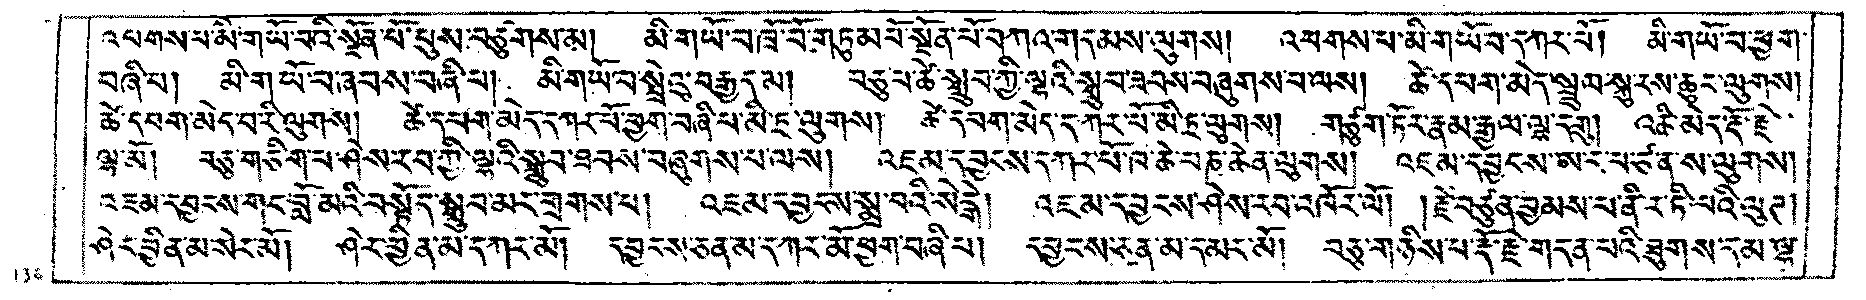འཕགས་པ་མི་གཡོ་བའི་སྔོན་པོ་པུས་བཙུགས་མ། མི་གཡོ་བ་ཁྲོ་བོ་གཏུམ་པོ་སྔོན་པོ་བཀའ་གདམས་ལུགས། འཕགས་པ་མི་གཡོ་བ་དཀར་པོ། མི་གཡོ་བ་ཕྱག་
བཞི་པ། མི་གཡོ་བ་ཞབས་བཞི་པ། མི་གཡོ་བ་སྤྲེའུ་བརྒྱད་མ། བཅུ་པ་ཚེ་སྒྲུབ་ཀྱི་ལྷའི་སྒྲུབ་ཐབས་བཞུགས་པ་ལས། ཚེ་དཔག་མེད་སྤྲུལ་སྐུ་རས་ཆུང་ལུགས།
ཚེ་དཔག་མེད་བ་རི་ལུགས། ཚེ་དཔག་མེད་དཀར་པོ་ཕྱག་བཞི་པ་མི་ཏྲ་ལུགས། ཚེ་དཔག་མེད་དཀར་པོ་མི་ཏྲ་ལུགས། གཙུག་ཏོར་རྣམ་རྒྱལ་ལྷ་དགུ །འཆི་མེད་རྡོ་རྗེ་
ལྷ་མོ། བཅུ་གཅིག་པ་ཤེས་རབ་ཀྱི་ལྷའི་སྒྲུབ་ཐབས་བཞུགས་པ་ལས། འཇམ་དབྱངས་དཀར་པོ་ཁ་ཆེ་པཎ་ཆེན་ལུགས། འཇམ་དབྱངས་ཨ་ར་པ་ཙ་ན་ས་ལུགས།
འཇམ་དབྱངས་གང་བློ་མའི་བསྟོད་སྒྲུབ་མར་གྲགས་པ། འཇམ་དབྱངས་སྨྲ་བའི་སེངྒེ། འཇམ་དབྱངས་ཤེས་རབ་འཁོར་ལོ། །རྗེ་བཙུན་བྱམས་པ་ནི་ར་ཏི་པའི་ལུཌ།
ཤེར་ཕྱིན་མ་སེར་མོ། ཤེར་ཕྱིན་མ་དཀར་མོ། དབྱངས་ཅན་མ་དཀར་མོ་ཕྱག་བཞི་པ། དབྱངས་ཅན་མ་དམར་མོ། བཅུ་གཉིས་པ་རྡོ་རྗེ་གདན་པའི་ཐུགས་དམ་ལྷ་